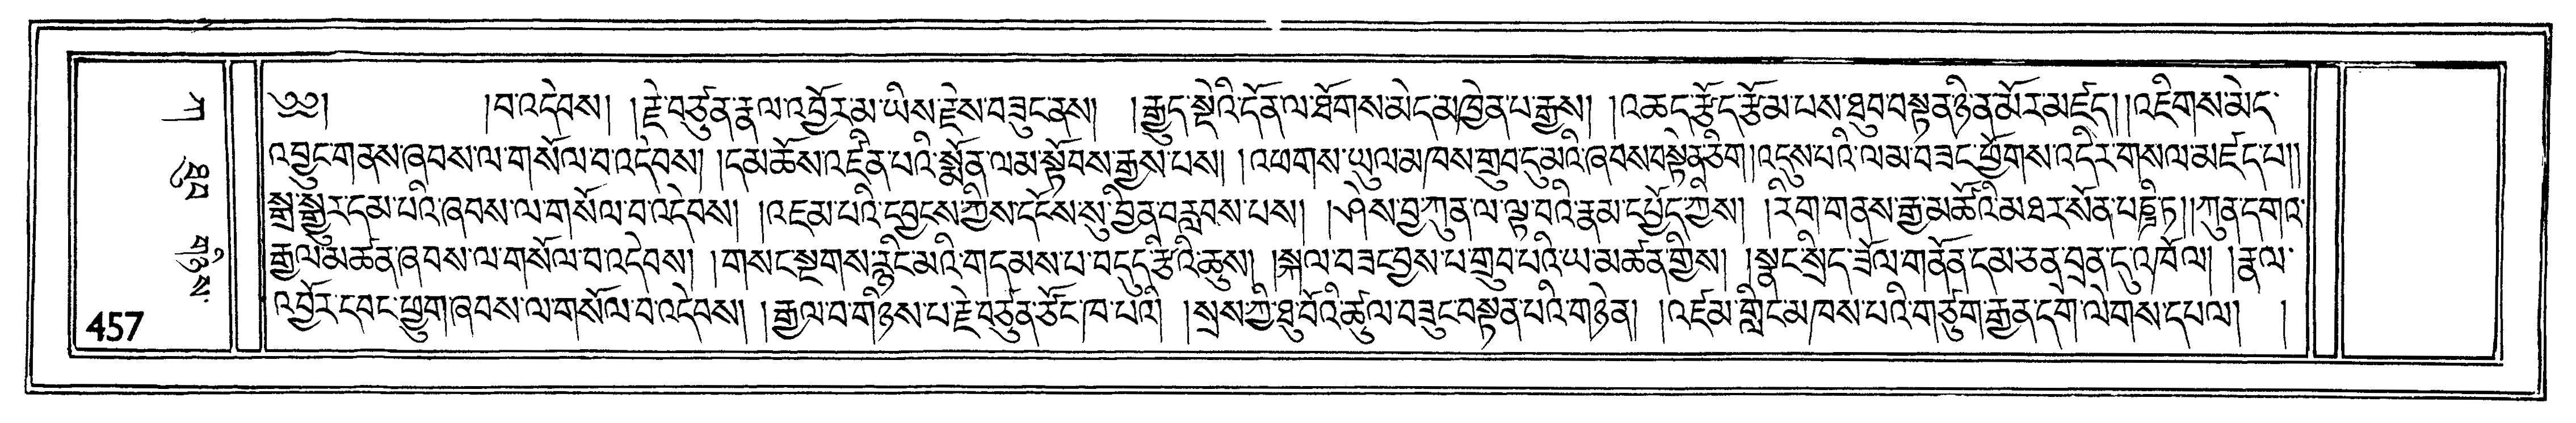༄༅། །བ་འདེབས། །རྗེ་བཙུན་རྣལ་འབྱོར་མ་ཡིས་རྗེས་བཟུང་ནས། །རྒྱུད་སྡེའི་དོན་ལ་ཐོགས་མེད་མཁྱེན་པ་རྒྱས། །འཆད་རྩོད་རྩོམ་པས་ཐུབ་བསྟན་ཉིན་མོར་མཛད། །འཇིགས་མེད་
འབྱུང་གནས་ཞབས་ལ་གསོལ་བ་འདེབས། །དམ་ཆོས་འཛིན་པའི་སྨོན་ལམ་སྟོབས་རྒྱས་པས། །འཕགས་ཡུལ་མཁས་གྲུབ་དུ་མའི་ཞབས་བསྟེན་ཅིག །འདུས་པའི་ལམ་བཟང་ཕྱོགས་འདིར་གསལ་མཛད་པ། །
སྒྲ་སྒྱུར་དམ་པའི་ཞབས་ལ་གསོལ་བ་འདེབས། །འཇམ་པའི་དབྱངས་ཀྱིས་དངོས་སུ་བྱིན་བརླབས་པས། །ཤེས་བྱ་ཀུན་ལ་ལྟ་བའི་རྣམ་དཔྱོད་ཀྱིས། །རིག་གནས་རྒྱ་མཚོའི་མཐར་སོན་པཎྜི་ཏ། །ཀུན་དགའ་
རྒྱལ་མཚན་ཞབས་ལ་གསོལ་བ་འདེབས། །གསང་སྔགས་རྙིང་མའི་གདམས་པ་བདུད་རྩིའི་ཆུས། །སྐལ་བཟང་བྱས་པ་གྲུབ་པའི་ཡ་མཚན་གྱིས། །སྣང་སྲིད་ཟོལ་གནོན་དམ་ཅན་བྲན་དུ་འཁོལ། །རྣལ་
འབྱོར་དབང་ཕྱུག་ཞབས་ལ་གསོལ་བ་འདེབས། །རྒྱལ་བ་གཉིས་པ་རྗེ་བཙུན་ཙོང་ཁ་པའི། །སྲས་ཀྱི་ཐུ་བོའི་ཚུལ་བཟུང་བསྟན་པའི་གཉེན། །འཛམ་གླིང་མཁས་པའི་གཙུག་རྒྱན་དགེ་ལེགས་དཔལ། །